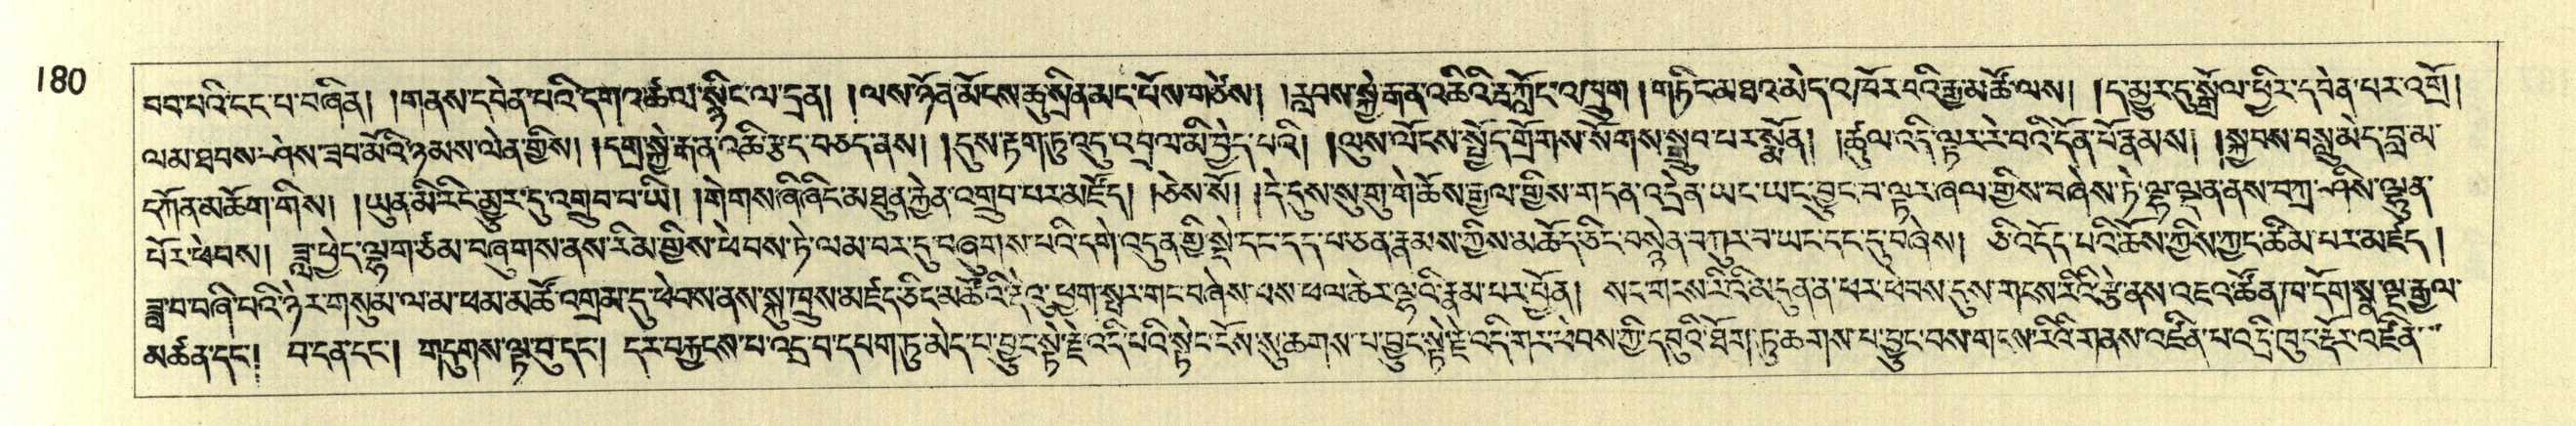བབ་པའི་ངང་པ་བཞིན། །གནས་དབེན་པའི་དགའ་ཚལ་སྙིང་ལ་དྲན། །ལས་ཉོན་མོངས་ཆུ་སྲིན་མང་པོས་གཙེས། །རླབས་སྐྱེ་རྒ་ན་འཆིའི་རྦ་ཀློང་འཁྲུག །གཏིང་མཐའ་མེད་འཁོར་བའི་རྒྱ་མཚོ་ལས། །ད་མྱུར་དུ་སྒྲོལ་ཕྱིར་དབེན་པར་འགྲོ།
ལམ་ཐབས་ཤེས་ཟབ་མོའི་ཉམས་ལེན་གྱིས། །དགྲ་སྐྱེ་རྒ་ན་འཆི་རྩད་བཅད་ནས། །དུས་རྟག་ཏུ་འདུ་འབྲལ་མི་བྱེད་པའི། །ལུས་ལོངས་སྤྱོད་གྲོགས་སོགས་སྒྲུབ་པར་སྨོན། །ཚུལ་འདི་ལྟར་རེ་བའི་དོན་པོ་རྣམས། །སྐྱབས་བསླུ་མེད་བླ་མ་
དཀོན་མཆོག་གིས། །ཡུན་མི་རིང་མྱུར་དུ་འགྲུབ་པ་ཡི། །གེགས་ཞི་ཞིང་མཐུན་རྐྱེན་འགྲུབ་པར་མཛོད། །ཅེས་སོ། །དེ་དུས་སུ་གུ་གེ་ཆོས་རྒྱལ་གྱིས་གདན་འདྲེན་ཡང་ཡང་བྱུང་བ་ལྟར་ཞལ་གྱིས་བཞེས་ཏེ་ལྷ་ལྡན་ནས་བཀྲ་ཤིས་ལྷུན་
པོར་ཕེབས། ཟླ་ཕྱེད་ལྷག་ཙམ་བཞུགས་ནས་རིམ་གྱིས་ཕེབས་ཏེ་ལམ་བར་དུ་བཞུགས་པའི་དགེ་འདུན་གྱི་སྡེ་དང་དད་པ་ཅན་རྣམས་ཀྱིས་མཆོད་ཅིང་བསྙེན་བཀུར་བ་ཡང་དང་དུ་བཞེས། ཅི་འདོད་པའི་ཆོས་ཀྱིས་ཀྱང་ཚིམ་པར་མཛད།
ཟླ་བ་བཞི་པའི་ཉེར་གསུམ་ལ་མ་ཕམ་མཚོ་འགྲམ་དུ་ཕེབས་ནས་སྐུ་ཁྲུས་མཛད་ཅིང་མཚོའི་རྡེའུ་ཕྱག་སྤར་གང་བཞེས་པས་ཕལ་ཆེར་ལྷའི་རྣམ་པར་བྱོན། སང་གངས་རིའི་མདུན་ན་ཕར་ཕེབས་དུས་གངས་རིའི་རྩེ་ནས་འཇའ་ཚོན་ཁ་དོག་སྣ་ལྔ་རྒྱལ་
མཚན་དང་། བ་དན་དང་། གདུགས་ལྟ་བུ་དང་། དར་བརྐྱངས་པ་འདྲ་བ་དཔག་ཏུ་མེད་པ་བྱུང་སྟེ་རྗེ་འདི་པའི་སྟེང་ངོས་སུ་ཆགས་པ་བྱུང་སྟེ་རྗེ་འདི་གར་ཕེབས་ཀྱི་དབུའི་ཐོག་ཏུ་ཆགས་པ་བྱུང་བས་གངས་རིའི་གནས་འཛིན་པ་འདྲི་ཁུང་རྡོར་འཛིན་